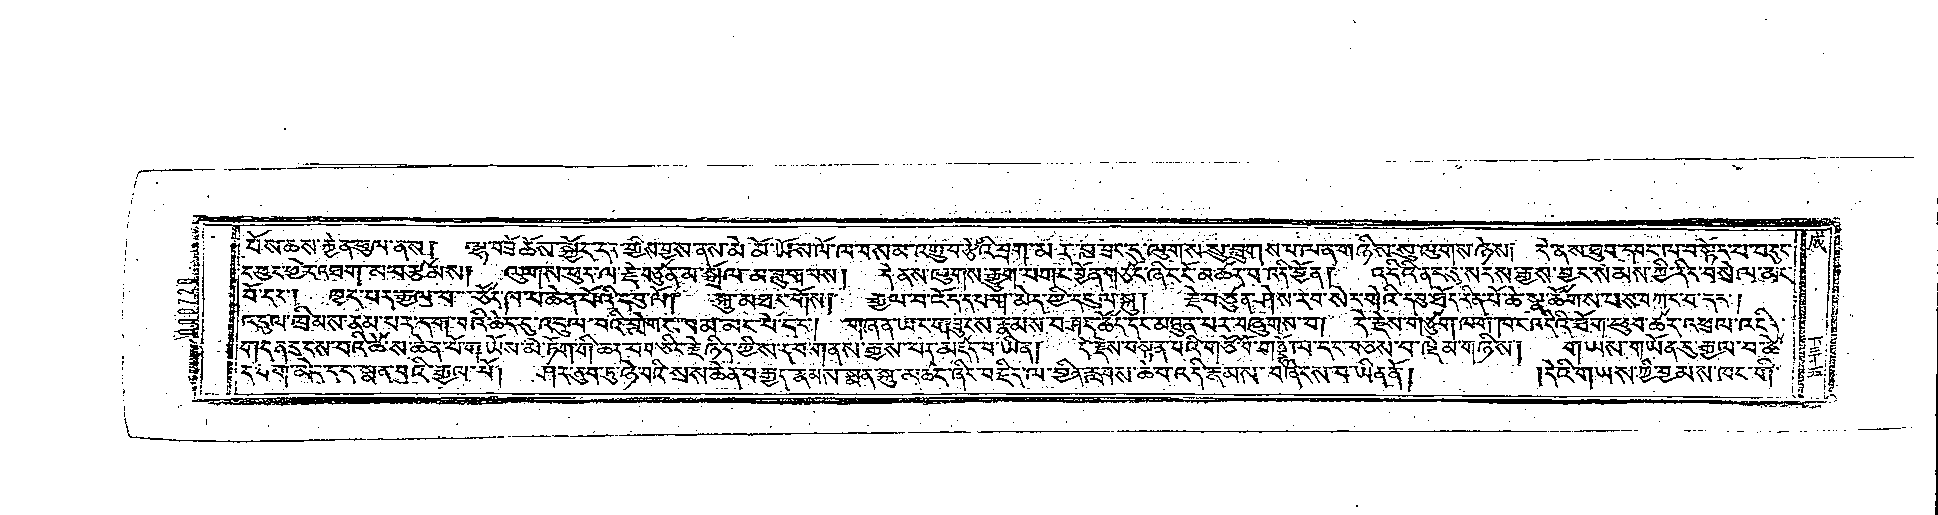པོས་ཆས་རྐྱེན་ཕུལ་ནས། ལྷ་བཟོ་ཆོས་སྐྱོང་དང་གྱིས་བྱས་ནས་མེ་མོ་ཡོས་ལོ་ལ་བསམ་འགྲུབ་རྩེའི་བྲག་མར་བླ་བྲང་དུ་ལུགས་སུ་བླུགས་པ་ལན་གཉིས་སུ་ལུགས་ཉེས། དེ་ནས་ཐུབ་དབང་ལ་བསྟོད་པ་བདུད་
དཔུང་ཕྱེར་འཐག་མ་བརྩམས། ལུགས་ཕུང་ལ་རྗེ་བཙུན་མ་སྒྲོལ་མ་བླུག་པས། དེ་ནས་ལུགས་རྒྱུག་པ་གང་བྱོན་གཙང་ཞིང་ངོ་མཚར་བ་འདི་བྱོན། འདིའི་ནང་དུ་སངས་རྒྱས་བྱང་སེམས་ཀྱི་རིང་བསྲེལ་མང་
པོ་དང་། ཁྱད་པར་རྒྱལ་བ་ཙོང་ཁ་པ་ཆེན་པོའི་དབུ་ལོ། སྐུ་མཐང་གོས། རྒྱལ་བ་འོད་དཔག་མེད་ཀྱི་དངུལ་སྐུ། རྗེ་བཙུན་ཤེས་རབ་སེང་གེའི་དབུ་ཐོད་རིན་པོ་ཆེ་སྣ་ཚོགས་པས་བཀང་བ་དང་།
འདུལ་ཁྲིམས་རྣམ་པར་དག་བའི་ཆེད་དུ་འདུལ་བའི་གླེགས་བམ་མང་པོ་དང་། གཞན་ཡང་གཟུངས་རྣམས་བཤད་ཚོང་དང་མཐུན་པར་བཞུགས་བ། དེ་རྗེས་གཙུག་ལག་ཁང་འདིའི་ཐོག་ཕུབ་ཚར་འཕྲལ་འདིར་
གདན་དྲངས་བའི་ཚེས་ཆེན་པོ་གཡོས་མེ་ཏོག་གི་ཆར་བབ་ཅིང་རྗེ་ཉིད་ཀྱིས་རབ་གནས་རྒྱས་པར་མཛད་པ་ཡིན། དེ་རྗེས་བསྟན་པའི་གཙོ་བོ་གནྡྷོ་ལ་དང་བཅས་པ་ལྡེམ་གཉིས། གཡས་གཡོན་དུ་རྒྱལ་བ་ཆེ་
དཔག་མེད་དང་སྨན་པའི་རྒྱལ་པོ། ཤར་ནུབ་ཏུ་ཉེ་བའི་སྲས་ཆེན་བརྒྱད་རྣམས་སྨན་སྐུ་མཚད་ཞིང་བརྗིད་ལ་བྱིན་རླབས་ཆེ་བ་འདི་རྣམས་བཞེངས་པ་ཡིན་ནོ། །དེའི་གཡས་ཀྱི་བྱམས་ཁང་གི་